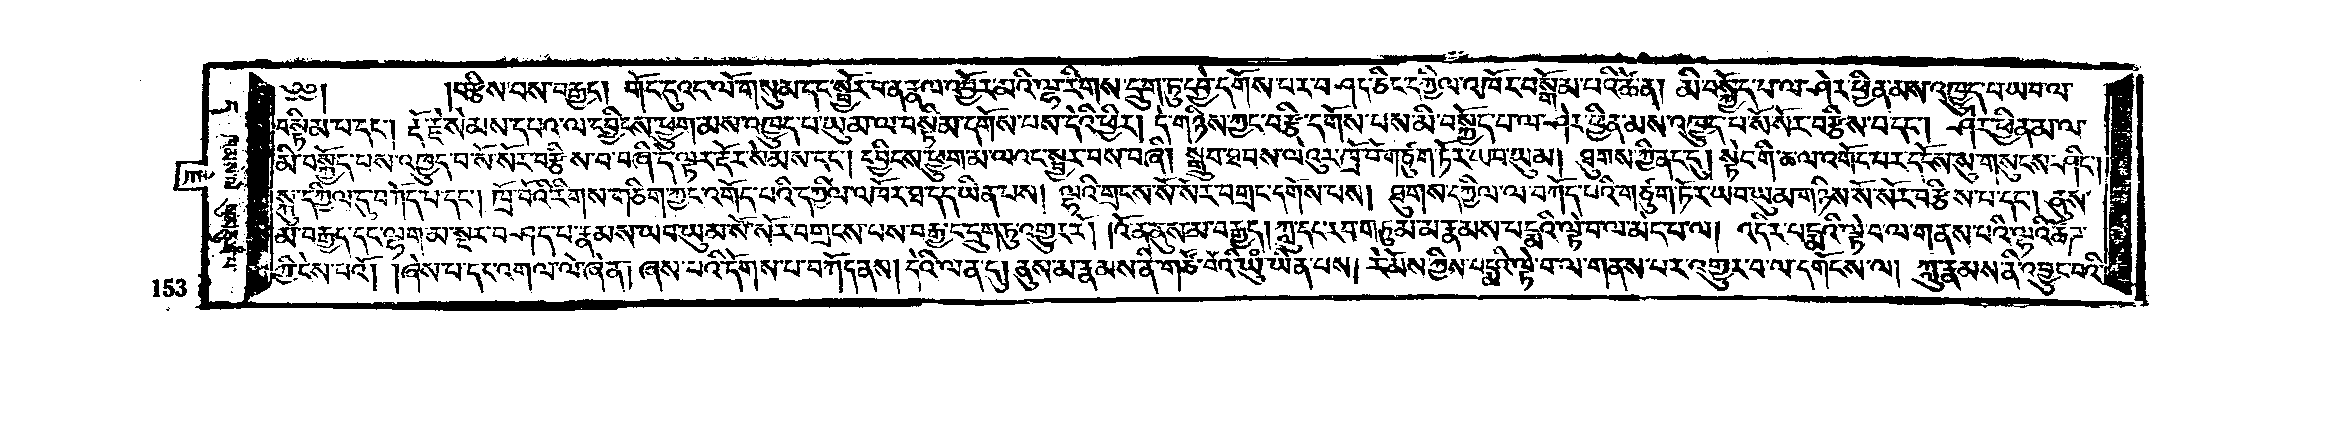༄༅། །བརྩིས་པས་བརྒྱད། གོང་དུའང་ལོ་གསུམ་དང་སྦྱོར་བ་ན་རྣལ་འབྱོར་མའི་ལྷ་རིགས་དྲུག་ཏུ་དབྱེ་དགོས་པར་བཤད་ཅིང་དཀྱིལ་འཁོར་བསྒོམ་པའི་ཚེ་ན། མི་བསྐྱོད་པ་ལ་ཤེར་ཕྱིན་མས་འཁྱུད་པ་ཡབ་ལ་
བསྟིམ་པ་དང་། རྡོ་རྗེ་སེམས་དཔའ་ལ་དབྱིངས་ཕྱུག་མས་འཁྱུད་པ་ཡུམ་ལ་བསྟིམ་དགོས་པས་དེའི་ཕྱིར། དེ་གཉིས་ཀྱང་བརྩི་དགོས་
པས་མི་བསྐྱོད་པ་ལ་ཤེར་ཕྱིན་མས་འཁྱུད་པ་སོ་སོར་བརྩིས་བ་དང་། ཤེར་ཕྱིན་མ་ལ་
མི་བསྐྱོད་པས་འཁྱུད་པ་སོ་སོར་བརྩིས་པ་བཞི་དེ་ལྟར་རྡོར་སེམས་དང་། དབྱིངས་ཕྱུག་མ་ལའང་སྦྱར་བས་བཞི། སྒྲུབ་ཐབས་ལེའུར་ཁྲོ་བོ་གཙུག་ཏོར་ཡབ་ཡུམ། ཐུགས་ཀྱི་ནང་དུ། སྟེང་གི་ཆ་ལ་འགོད་པར་དངོས་སུ་གསུངས་ཤིང་།
སྐུ་དཀྱིལ་དུ་བཀོད་པ་དང་། ཁྲོ་བོའི་རིགས་གཅིག་ཀྱང་འགོད་པའི་དཀྱིལ་འཁོར་ཐ་དད་ཡིན་པས། ལྷའི་གྲངས་སོ་སོར་བགྲང་དགོས་པས། ཐུགས་དཀྱིལ་ལ་བཀོད་པའི་གཙུག་ཏོར་ཡབ་ཡུམ་གཉིས་སོ་སོར་བརྩིས་པ་དང་། ནུས་
མ་བརྒྱད་དང་ལྷག་མ་སྔར་བཤད་པ་རྣམས་ཡབ་ཡུམ་སོ་སོར་བགྲངས་པས་བརྒྱ་ང་དྲུག་ཏུ་འགྱུར་རོ། །འོ་ན་ནུས་མ་བརྒྱད། ཀླུ་དང་རབ་གཏུམ་མ་རྣམས་པདམའི་ལྟེ་བ་ལ་མེད་པ་ལ། འདིར་པདམའི་ལྟེ་བ་ལ་གནས་པའི་ལྷའི་ཚོགས་
ཀྱི་ངེས་པའོ། །ཞེས་པ་དང་འགལ་ལོ་ཞེ་ན། ཞེས་པའི་དོགས་པ་བཀོད་ནས། དེའི་ལན་དུ། ནུས་མ་རྣམས་ནི་གཙོ་བོའི་ཡུམ་ཡིན་པས། རེ་མོས་ཀྱིས་པདམའི་ལྟེ་བ་ལ་གནས་པར་འགྱུར་བ་ལ་དགོངས་ལ། ཀླུ་རྣམས་ནི་འབྱུང་བའི་